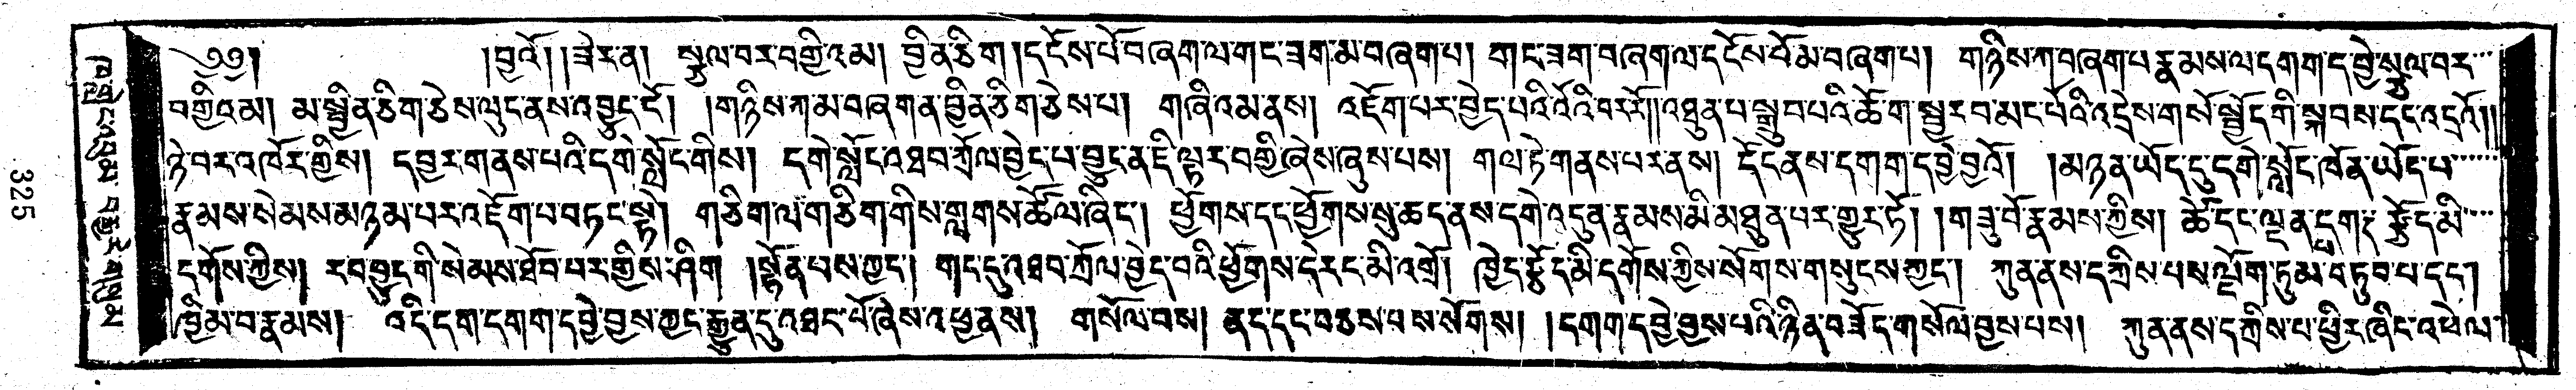༄༅། །བྱའོ། །ཟེར་ན། སྩལ་བར་བགྱིའམ། བྱིན་ཅིག །དངོས་པོ་བཞག་ལ་གང་ཟག་མ་བཞག་པ། གང་ཟག་བཞག་ལ་དངོས་པོ་མ་བཞག་པ། གཉིས་ཀ་བཞག་པ་རྣམས་ལ་དགག་དབྱེ་སྩལ་བར་
བགྱིའམ། མ་སྦྱིན་ཅིག་ཅེས་ལུང་ནས་འབྱུང་ངོ། །གཉིས་ཀ་མ་བཞག་ན་བྱིན་ཅིག་ཅེས་པ། གཞིའམ་ནས། འཇོག་པར་བྱེད་པའི་འོའི་བར་རོ། །འཐུན་པ་སྒྲུབ་པའི་ཆོ་ག་སྦྱར་བ་མང་པོའི་འདྲེས་གསོ་སྤྱོད་གི་སྐབས་དང་འདྲའོ། །
ཉེ་བར་འཁོར་གྱིས། དབྱར་གནས་པའི་དགེ་སློང་གིས། དགེ་སློང་འཐབ་ཀྲོལ་བྱེད་པ་བྱུང་ན་ཇི་ལྟར་བགྱི་ཞེས་ཞུས་པས། གལ་ཏེ་གནས་པར་ནས། དོང་ནས་དགག་དབྱེ་བྱའོ། །མཉན་ཡོད་དུ་དགེ་སློང་ཁོ་ན་ཡོད་པ་
རྣམས་སེམས་མཉམ་པར་འཇོག་པ་བཏང་སྟེ། གཅིག་ལ་གཅིག་གིས་གླགས་ཚོལ་ཞིང་། ཕྱོགས་དང་ཕྱོགས་སུ་ཆད་ནས་དགེ་འདུན་རྣམས་མི་མཐུན་པར་གྱུར་ཏོ། །གཟུ་བོ་རྣམས་ཀྱིས། ཚེ་དང་ལྡན་པ་དག༑ རྩོད་མི་
དགོས་ཀྱིས། རབ་བྱུང་གི་སེམས་ཐོབ་པར་གྱིས་ཤིག །སྟོན་པས་ཀྱང་། གང་དུ་འཐབ་ཀྲོལ་བྱེད་པའི་ཕྱོགས་དེ་རང་མི་འགྲོ། ཁྱེད་རྩོད་མི་དགོས་ཀྱིས་སོགས་གསུངས་ཀྱང་། ཀུན་ནས་དཀྲིས་པས་ལྡོག་ཏུམ་བཏུབ་པ་དང་།
ཁྱིམ་བ་རྣམས། འདི་དག་དགག་དབྱེ་བྱས་ཀྱང་རྒྱུན་དུ་འཐང་པོ་ཞེས་འཕྱ་ནས། གསོལ་བས། ནད་དང་བཅས་པས་སོགས། །དགག་དབྱེ་བྱས་པའི་ཉིན་བཟོད་གསོལ་བྱས་པས། ཀུན་ནས་དཀྲིས་པ་ཕྱིར་ཞིང་འཕེལ་